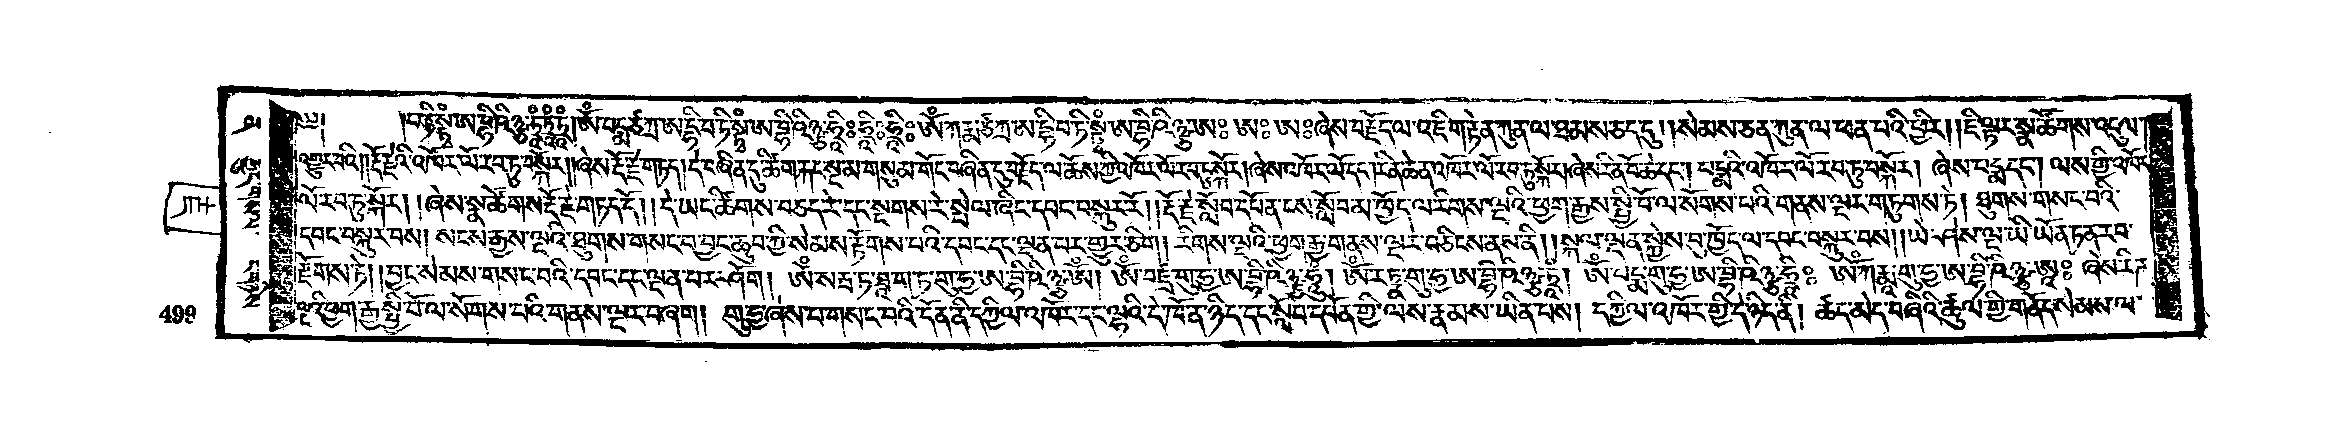༄༅། །པ་ཏི་སྟྭཾ་ཨ་བྷི་ཥིཉྩ་ཏྲཱཾ་ཏྲཱཾ་ཏྲཱཾ། ཨོཾ་པདམ་ཙ་ཀྲ་ཨ་དྷི་པ་ཏི་སྟྭཾ་ཨ་བྷི་ཥིཉྩ་ཧྲཱིཿ ཧྲཱིཿ ཧྲཱིཿ ཨོཾ་ཀརྨ་ཙ་ཀྲ་ཨ་དྷི་པ་ཏི་སྟྭཾ་ཨ་བྷི་ཥིཉྩ་ཨཿ ཨཿ ཨཿ ཞེས་བརྗོད་ལ་འཇིག་རྟེན་ཀུན་ལ་ཐམས་ཅད་དུ། །སེམས་ཅན་ཀུན་ལ་ཕན་པའི་ཕྱིར། །ཇི་ལྟར་སྣ་ཚོགས་འདུལ་
འགྱུར་བའི། །རྡོ་རྗེའི་འཁོར་ལོ་རབ་ཏུ་བསྐོར། །ཞེས་རྡོ་རྗེ་གཏད། དེ་བཞིན་དུ་ཚིག་རྐང་སྔ་མ་གསུམ་གོང་བཞིན་དུ་བརྗོད་ལ་ཆོས་ཀྱི་འཁོར་ལོ་རབ་ཏུ་སྐོར། ཞེས་འཁོར་ལོ་དང་། རིན་ཆེན་འཁོར་ལོ་རབ་ཏུ་སྐོར། ཞེས་རིན་པོ་ཆེ་དང་། པདམའི་འཁོར་ལོ་རབ་ཏུ་བསྐོར། ཞེས་པདམ་དང་། ལས་གྱི་འཁོར་
ལོ་རབ་ཏུ་སྐོར། །ཞེས་སྣ་ཚོགས་རྡོ་རྗེ་གཏད་དོ། །དེ་ཡང་ཚིགས་བཅད་རེ་དང་སྔགས་རེ་སྤེལ་ཞིང་དབང་བསྐུར་རོ། །རྡོ་རྗེ་སློབ་དཔོན་ངས་སློབ་མ་ཁྱོད་ལ་རིགས་ལྔའི་ཕྱག་རྒྱས་སྤྱི་བོ་ལ་སོགས་པའི་གནས་ལྔར་གཏུགས་ཏེ། ཐུགས་གསང་བའི་
དབང་བསྐུར་བས། སངས་རྒྱས་ལྔའི་ཐུགས་གསང་བ་བྱང་ཆུབ་ཀྱི་སེམས་རྟོགས་པའི་དབང་དང་ལྡན་པར་གྱུར་ཅིག །རིགས་ལྔའི་ཕྱག་རྒྱ་གནས་ལྔར་བཅིངས་ནས་ནི། །སྐལ་ལྡན་སྐྱེས་བུ་ཁྱོད་ལ་དབང་བསྐུར་བས། །ཡེ་ཤེས་ལྔ་ཡི་ཡོན་ཏན་རབ་
རྫོགས་ཏེ། །བྱང་སེམས་གསང་བའི་དབང་དང་ལྡན་པར་ཤོག །ཨོཾ་སརྦ་ཏ་ཐཱ་ག་ཏ་གུ་ཧྱ་ཨ་བྷི་ཥིཉྩ་ཨོཾ། ཨོཾ་བཛྲ་གུ་ཧྱ་ཨ་བྷི་ཥིཉྩ་ཧཱུཾ། ཨོཾ་རཏྣ་གུ་ཧྱ་ཨ་བྷི་ཥིཉྩ་ཏྲཱཾ། ཨོཾ་པདམ་གུ་ཧྱ་ཨ་བྷི་ཥིཉྩ་ཧྲཱིཿ ཨོཾ་ཀ་རྨཱ་གུ་ཧྱ་ཨ་བྷི་ཥིཉྩ་ཨཱཿ ཞེས་རིགས་
ལྔའི་ཕྱག་རྒྱ་སྤྱི་བོ་ལ་སོགས་པའི་གནས་ལྔར་བཞག །གུ་ཧྱ་ཞེས་པ་གསང་བའི་དོན་ནི་དཀྱིལ་འཁོར་དང་ལྷའི་དེ་ཁོ་ན་ཉིད་དང་སློབ་དཔོན་གྱི་ལས་རྣམས་ཡིན་པས། དཀྱིལ་འཁོར་གྱི་དེ་ཉིད་ནི། ཚད་མེད་བཞིའི་ཚུལ་གྱི་གནོད་སེམས་ལ་